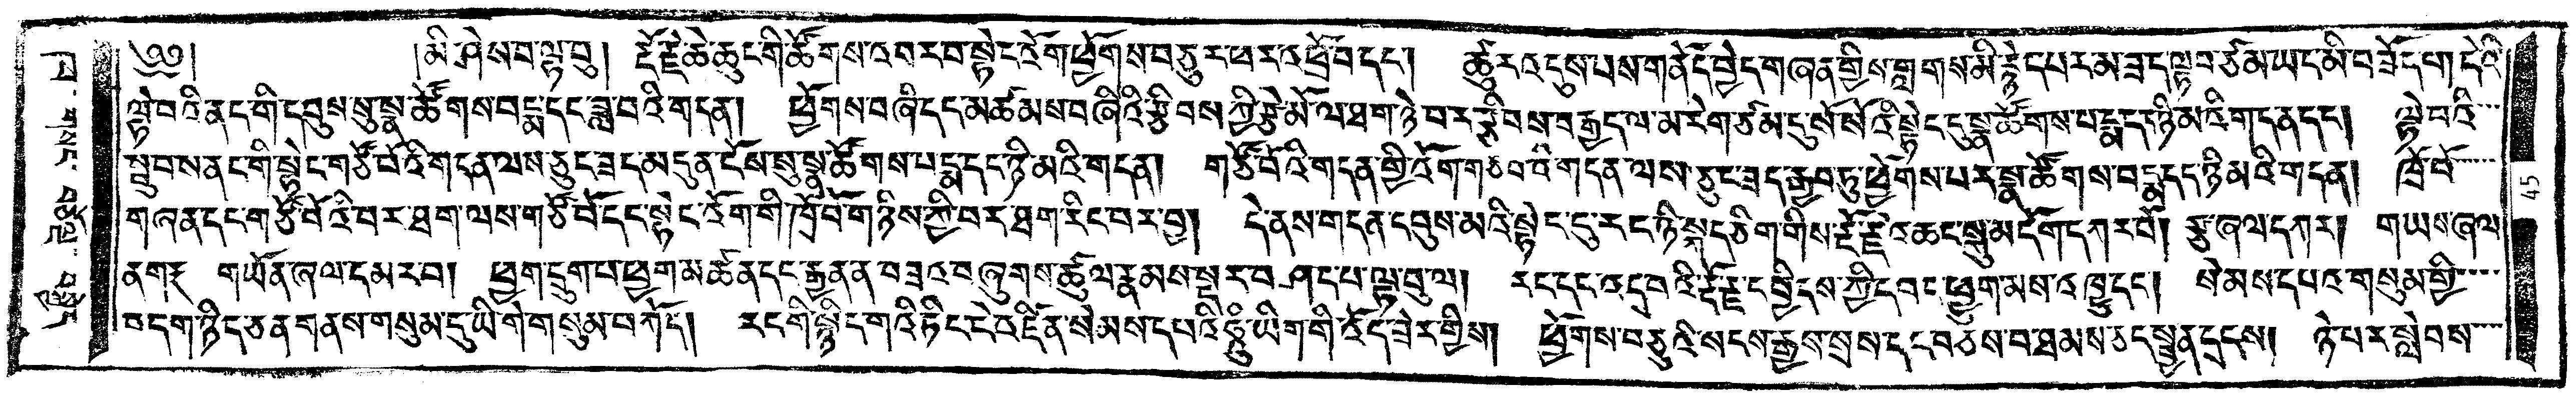༄༅། །མི་ཤེས་བ་ལྟ་བུ། རྡོ་རྗེ་ཆེ་ཆུང་གི་ཚོགས་འབར་བ་སྟེང་འོག་ཕྱོགས་བཅུར་ཕར་འཕྲོ་བ་དང་། ཚུར་འདུས་པས་གནོད་བྱེད་གཞན་གྱིས་གླགས་མི་རྙེད་པར་མ་ཟད་ལྟ་བ་ཙམ་ཡང་མི་བཟོད་པ། དེའི་
ལྟེ་བའི་ནང་གི་དབུས་སུ་སྣ་ཚོགས་པདམ་དང་ཟླ་བའི་གདན། ཕྱོགས་བཞི་དང་མཚམས་བཞིའི་རྩིབས་ཀྱི་རྩེ་མོ་ལ་ཐག་ཉེ་བར་རྩིབས་བརྒྱད་ལ་མ་རེག་ཙམ་དུ་སོ་སོའི་སྟེང་དུ་སྣ་ཚོགས་པདམ་དང་ཉི་མའི་གདན་དང་། ལྟེ་བའི་
སྦུབས་ནང་གི་སྟེང་གཙོ་བོའི་གདན་ལས་ཅུང་ཟད་མདུན་ངོས་སུ་སྣ་ཚོགས་པདམ་དང་ཉི་མའི་གདན། གཙོ་བོའི་གདན་གྱི་འོག་གཙོ་བའི་གདན་ལས་ཅུང་ཟད་རྒྱབ་ཏུ་ཕྱོགས་པར་སྣ་ཚོགས་པདམ་དང་ཉི་མའི་གདན། ཁྲོ་བོ་
གཞན་དང་གཙོ་བོའི་བར་ཐག་ལས་གཙོ་བོ་དང་སྟེང་འོག་གི་ཁྲོ་བོ་གཉིས་ཀྱི་བར་ཐག་རིང་བར་བྱ། དེ་ནས་གདན་དབུས་མའི་སྟེང་དུ་རང་ཉི་སྐད་ཅིག་གིས་རྡོ་རྗེ་འཆང་སྐུ་མདོག་དཀར་པོ། རྩ་ཞལ་དཀར། གཡས་ཞལ་
ནག༑ གཡོན་ཞལ་དམར་བ། ཕྱག་དྲུག་པ་ཕྱག་མཚན་དང་རྒྱན་ན་བཟའ་བཞུགས་ཚུལ་རྣམས་སྔར་བཤད་པ་ལྟ་བུ་ལ། རང་དང་འདྲ་བའི་རྡོ་རྗེ་དབྱིངས་ཀྱི་དབང་ཕྱུག་མས་འཁྱུ་དང་། སེམས་དཔའ་གསུམ་གྱི་
བདག་ཉིད་ཅན་གནས་གསུམ་དུ་ཡི་གེ་གསུམ་བཀོད། རང་གི་སྙིང་གའི་ཏིང་ངེ་འཛིན་སེམས་དཔའི་ཧཱུཾ་ཡིག་གི་འོད་ཟེར་གྱིས། ཕྱོགས་བཅུའི་སངས་རྒྱས་སྲས་དང་བཅས་པ་ཐམས་ཅད་སྤྱན་དྲངས། ཉེ་བར་སླེབས་